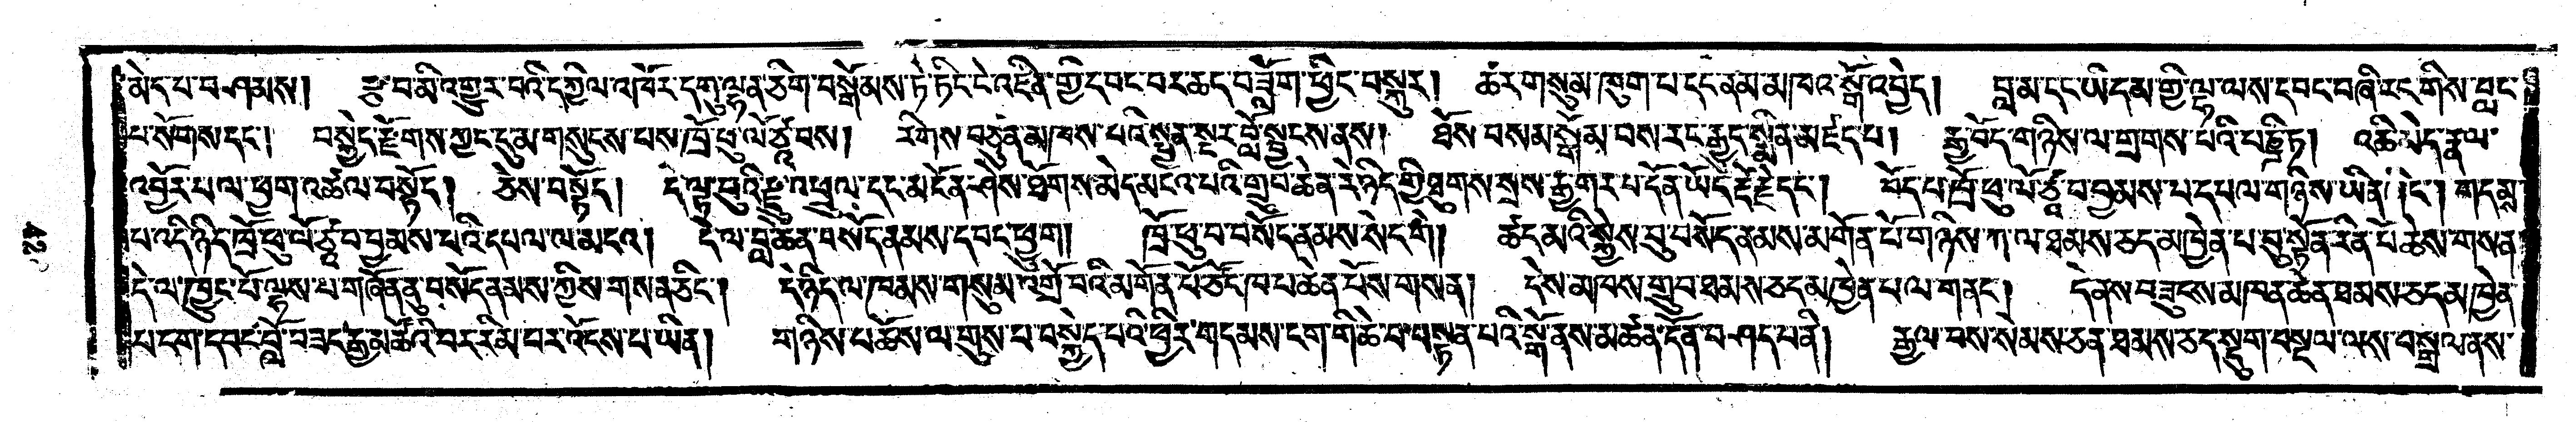མེད་པ་བཤམས། རྩ་བ་མི་འགྱུར་བའི་དཀྱིལ་འཁོར་དགུ་ལྷན་ཅིག་བསྒོམས་ཏེ་ཏིང་ངེ་འཛིན་གྱི་དབང་བར་ཆད་བཟློག་ཕྱིང་བསྐུར། ཚར་གསུམ་ཁུག་པ་དང་ནམ་མཁའ་སྒོ་འབྱེད། བླ་མ་དང་ཡི་དམ་གྱི་ལྷ་ལས་དབང་བཞི་རང་གིས་བླང་
པ་སོགས་དང་། བསྐྱེད་རྫོགས་ཀྱང་དུ་མ་གསུངས་པས་ཁྲོ་པུ་ལོ་ཙཱ་བས། རིགས་བཙུན་མཁས་པའི་སྤྱན་སྔར་བློ་སྦྱངས་ནས། ཐོས་བསམ་སྒོམ་པས་རང་རྒྱུད་སྨིན་མཛད་པ། རྒྱ་བོད་གཉིས་ལ་གྲགས་པའི་པཎྜི་ཏ། འཆི་མེད་རྣལ་
འབྱོར་པ་ལ་ཕྱག་འཚལ་བསྟོད། ཅེས་བསྟོད། དེ་ལྟ་བུའི་རྫུ་འཕྲུལ་དང་མངོན་ཤེས་ཐོགས་མེད་མངའ་པའི་གྲུབ་ཆེན་རེ་ཉིད་གྱི་ཐུགས་སྲས་རྒྱ་གར་པ་དོན་ཡོད་རྡོ་རྗེ་དང་། བོད་པ་ཁྲོ་ཕུ་ལོ་ཙཱ་བ་བྱམས་པ་དཔལ་གཉིས་ཡིན་ཞིང་། གདམས་
པ་འདི་ཉིད་ཁྲོ་ཕུ་ལོ་ཙཱ་བ་བྱམས་པའི་དཔལ་ལ་མངའ། དེ་ལ་བླ་ཆེན་བསོད་ནམས་དབང་ཕྱུག། ཁྲོ་ཕུ་བ་བསོད་ནམས་སེང་གེ། ཚད་མའི་སྐྱེས་བུ་བསོད་ནམས་མགོན་པོ་གཉིས་ཀ་ལ་ཐམས་ཅད་མཁྱེན་པ་བུ་སྟོན་རིན་པོ་ཆེས་གསན་
དེ་ལ་ཁྱུང་པོ་ལྷས་པ་གཞོན་ནུ་བསོད་ནམས་ཀྱིས་གསན་ཅིང་། དེ་ཉིད་ལ་ཁམས་གསུམ་འགྲོ་བའི་མགོན་པོ་ཙོང་ཁ་པ་ཆེན་པོས་གསན། དེས་མཁས་གྲུབ་ཐམས་ཅད་མཁྱེན་པ་ལ་གནང་། དེ་ནས་བཟུངས་མཁན་ཆེན་ཐམས་ཅད་མཁྱེན་
པ་ངག་དབང་བློ་བཟང་རྒྱ་མཚོའི་བར་རིམ་པར་འོངས་པ་ཡིན། གཉིས་པ་ཆོས་ལ་གུས་པ་བསྐྱེད་པའི་ཕྱིར་གདམས་ངག་གི་ཆེ་བ་བསྟན་པའི་སྒོ་ནས་མཚན་དོན་བཤད་པ་ནི། རྒྱལ་བས་སེམས་ཅན་ཐམས་ཅད་སྡུག་བསྔལ་ལས་བསྒྲལ་ནས་